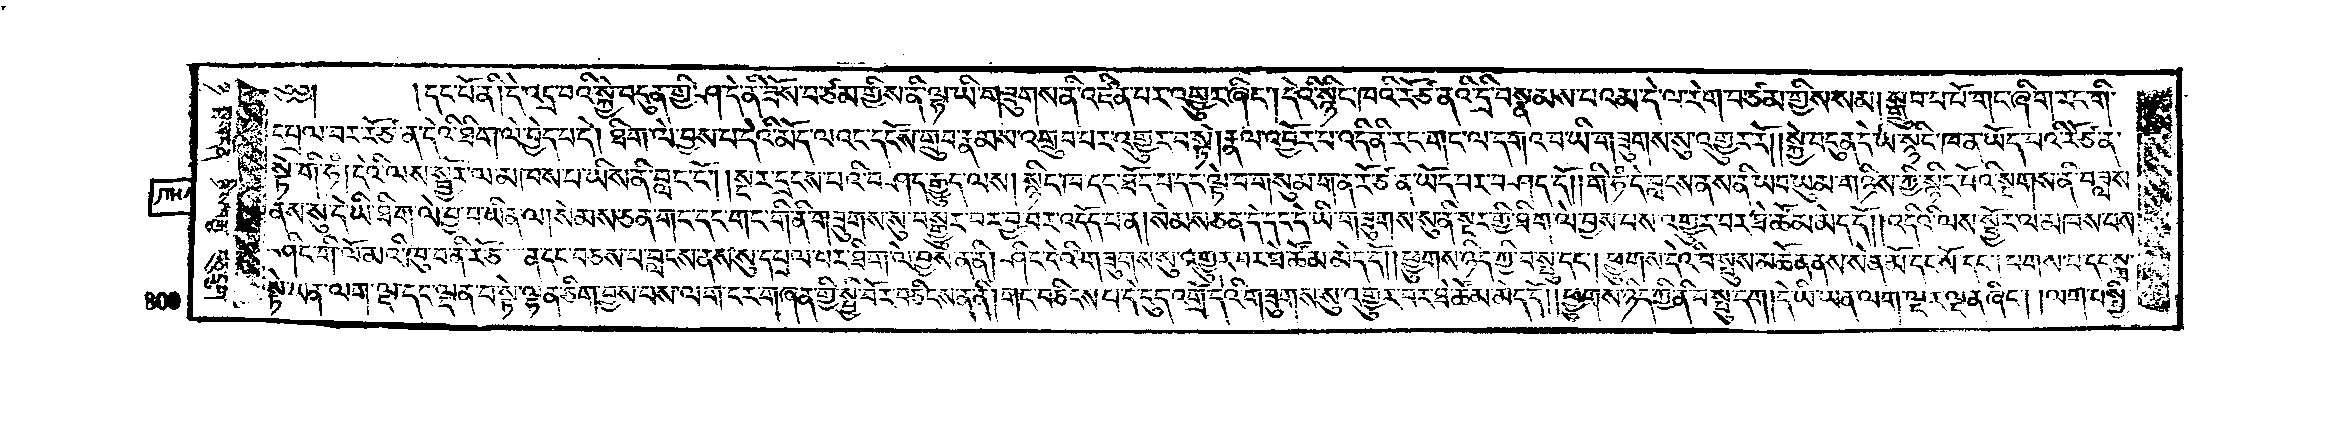༄༅། །དང་པོ་ནི། དེ་འདྲ་བའི་སྐྱེ་བདུན་གྱི་ཤ་དེ་ནི་ཟོས་པ་ཙམ་གྱིས་ནི་ལྷ་ཡི་གཟུགས་ནི་འཛིན་པར་འགྱུར་ཞིང་། དེའི་སྙིང་ཁའི་རོ་ཙ་ནའི་དྲི་བསྣམས་པའམ་དེ་ལ་རེག་པ་ཙམ་གྱིས་སམ། སྒྲུབ་པ་པོ་གང་ཞིག་རང་གི་
དཔྲལ་བར་རོ་ཙ་ན་དེའི་ཐིག་ལེ་བྱེད་པ་དེ། ཐིག་ལེ་བྱས་པ་དེའི་མོད་ལའང་དངོས་གྲུབ་རྣམས་འགྲུབ་པར་འགྱུར་བ་སྟེ། རྣལ་འབྱོར་པ་འདི་ནི་རང་གང་ལ་དགའ་བ་ཡི་གཟུགས་སུ་འགྱུར་རོ། །སྐྱེ་བདུན་དེ་ཡི་སྙིང་ཁ་ན་ཡོད་པའི་རོ་ཙ་ན་
སྟེ་གི་ཧཾ། དེའི་ལས་སྦྱོར་ལ་མཁས་པ་ཡིས་ནི་བླང་ངོ། །སྔར་དྲངས་པའི་བཤད་རྒྱུད་ལས། སྙིང་ཁ་དང་ཐོད་པ་དང་ལྟེ་བ་གསུམ་ག་ན་རོ་ཙ་ན་ཡོད་པར་བཤད་དོ། །གི་ཧཾ་དེ་བླངས་ནས་ནི་ཡབ་ཡུམ་གཉིས་ཀྱི་སྙིང་པོའི་སྔགས་ནི་བཟླས་
ནས་སུ་དེ་ཡི་ཐིག་ལེ་བྱ་བ་ཡིན་ལ། སེམས་ཅན་གང་དང་གང་གི་ནི་གཟུགས་སུ་བསྒྱུར་པར་བྱ་བར་འདོད་པ་ན། སེམས་ཅན་དེ་དང་དེ་ཡི་གཟུགས་སུ་ནི་སྔར་གྱི་ཐིག་ལེ་བྱས་པས་འགྱུར་བར་ཐེ་ཚོམ་མེད་དོ། །འདིའི་ལས་སྦྱོར་ལ་མཁས་པས་
ཤིང་གི་ལོ་མའི་ཁུ་བ་ནི་རོ་ཙ་ན་དང་བཅས་པ་བླངས་ནས་སུ་དཔྲལ་བར་ཐིག་ལེ་བྱས་ན་ནི། ཤིང་དེའི་གཟུགས་སུ་འགྱུར་བར་ཐེ་ཚོམ་མེད་དོ། །ཕྱུགས་ཉིད་ཀྱི་བ་སྤུ་དང་། ཕྱུགས་དེའི་བ་སྤུས་མཆོན་ནས་སེན་མོ་དང་སོ་དང་། པགས་པ་དང་སྐྲ་
སྟེ་ཡན་ལག་ལྔ་དང་ལྡན་པ་སྟེ་ལྷན་ཅིག་བྱས་པས་ལག་ངར་གཞན་གྱི་སྤྱི་བོར་བཅིངས་ན་ནི། གང་བཅིངས་པ་དེ་ངུད་འགྲོ་དེའི་གཟུགས་སུ་འགྱུར་བར་ཐེ་ཚོམ་མེད་དོ། །ཕྱུགས་ཉིད་ཀྱི་ནི་བ་སྤུ་དག །དེ་ཡི་ཡན་ལག་ལྔར་ལྡན་ཞིང་། །ལག་པ་སྤྱི་